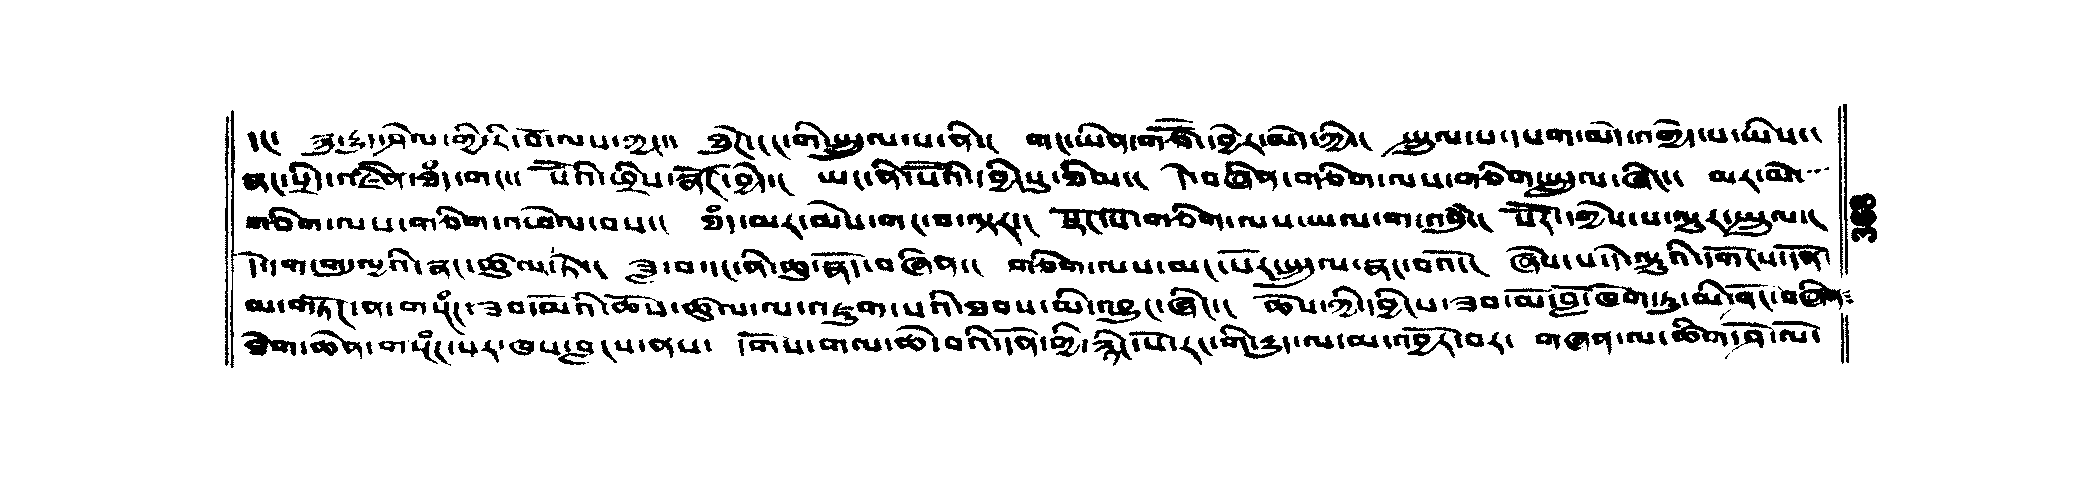དང་། སྐུ་རྒྱུད་ཤེལ་གྱི་རི་བོ་ལས་ཀྱང་། ཐུགས་རྗེ་ངང་གི་སྤྲུལ་པ་ནི། །གང་ཡིན་གཙོ་བོ་དབྱེར་མེད་པའི། །སྤྲུལ་པ་དཔག་འགྱེད་པ་ཡིས། །
སྣང་སྲིད་འཇིག་རྟེན་ཐམས་ཅད་གང་། །སོ་སོའི་ཕྲིན་ལས་སྣ་ཚོགས་བྱེད། །ཡང་ནི་སོ་སོའི་དབྱིངས་སུ་ཐིམ། །དེ་བཞིན་གཅིག་ལས་གཅིག་སྤྲུལ་ཞིང་། །མར་མེ་
གཅིག་ལས་གཅིག་འཕེལ་བས། །ཐམས་ཅད་མར་མེས་གང་བ་ལྟར། །སྡོང་པོ་གཅིག་ལས་ཡལ་ག་འབུམ། །སོ་སོར་དགྱེས་པ་ལྟ་བུར་སྤྲུལ། །
དེ་དག་གདུལ་བྱའི་སྣང་ཚུལ་ཏེ། །ཟླ་བ་དང་ནི་ཆུ་སྣོད་བཞིན། །གཅིག་ལས་མང་པོ་སྤྲུལ་སྣང་བའོ། །ཞེས་པ་དེ་ལྟ་བུའི་་དགོངས་དོན་
མ་གཏོགས་ན་གསང་སྔགས་ཟབ་མོའི་ཆོས་ཚུལ་ལ་འཇུག་པའི་ཐབས་མི་འབྱུང་ཞིང་། ཆོས་ཀྱི་དབྱིངས་ཟབ་མོ་བློ་ཁོག་ཏུ་མི་ཤོང་བཞིན་
ཐེག་ཆེན་གསང་སྔགས་པར་ཁས་བླངས་ནས། དགོས་གལ་ཆེ་བའི་དོན་གྱི་སྙིང་པོ་རང་གི་རྒྱུད་ལ་མ་འབྱོར་བར། གཞན་ལ་ཚིག་ཤོ་ལོ་